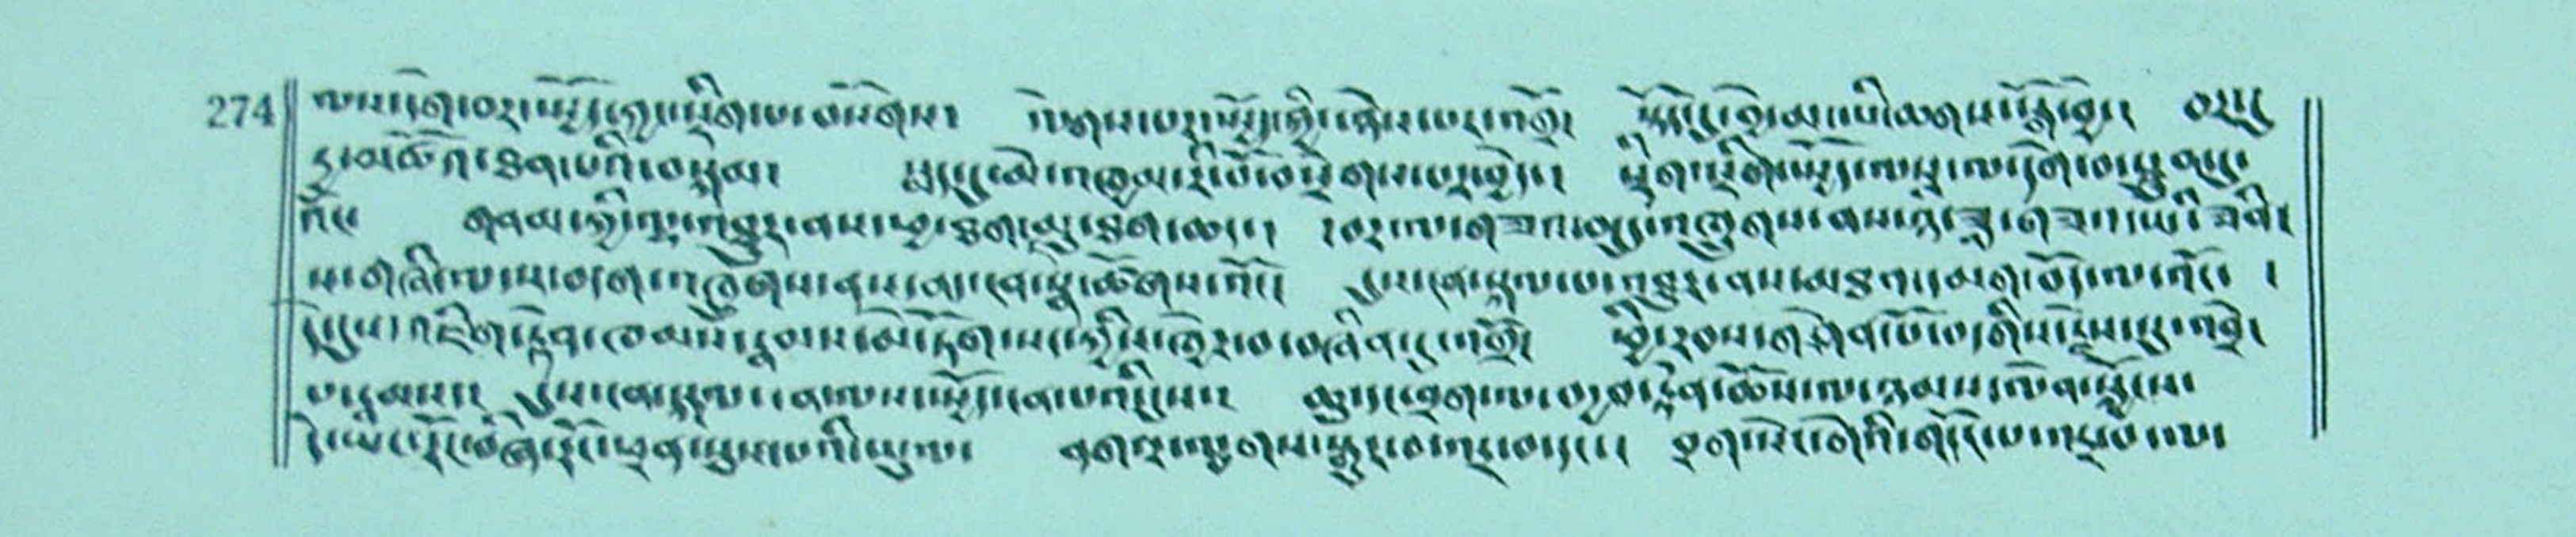ལས་དགེ་བར་སྤྱོད་ཀྱང་སྡིག་པ་བསོགས། ལེགས་པར་སྤྱོད་ཀྱི་ཉེ་བར་འགྲོ། སྟོད་དུ་བྱེ་མ་ཡི་ཆགས་སྒོ་བྱེ། བར་དུ་
རྒྱ་མཚོ་ཐན་པས་བསྐམས། སྨད་དུ་མེ་འཁྱམས་རི་བོ་བསྲེགས་པར་བྱེད། སྡིག་སྡིག་སྤྱོད་ལས་ལ་དགེ་བ་རྫུན་དུ་
འོང་། གནམ་གྱི་ལྷ་མཐུར་ནས་ཕྱ་ཐག་དམུ་དག་ཆད། བར་དུ་གཟའ་བདུད་འཁྲུགས་ནས་ཉི་ཟླ་གཟའ་ཡི་ཟིན། 
ས་གཞི་ལ་ས་བདག་འཁྲུགས་ནས་ནད་ངན་སྣ་ཚོགས་འོང་། དུས་ངན་བསྐལ་བ་འཐུར་ནས་མཐའ་དམག་བོད་ལ་འོང་། 
དེ་དུས་འཇིག་རྟེན་ཁམས་རྣམས་མེ་ཏོག་སད་ཀྱིས་ཁྱེར་བ་བཞིན་དུ་འགྲོ། །ཕྱི་རབས་གཤེན་པོ་བདག་གི་རྗེས་སུ་འབྲེང་
བ་རྣམས། དུས་ངན་བསྐལ་ངན་ལས་སྤྱོད་ངན་པའི་དུས། ཆུ་དང་བྲག་ལ་རྒྱབ་རྟེན་ཆོས་ལ་ཉམས་ལེན་སྐྱོངས། 
དེ་ཡང་རོང་བཞི་རོང་ཕྲན་སྦས་པའི་ཡུལ། ནག་ར་ལྤགས་སྒུར་བ་འདྲ་བ་དང་། བྲག་སེང་གེའི་གདོང་པ་འདྲ་བ་ལ་